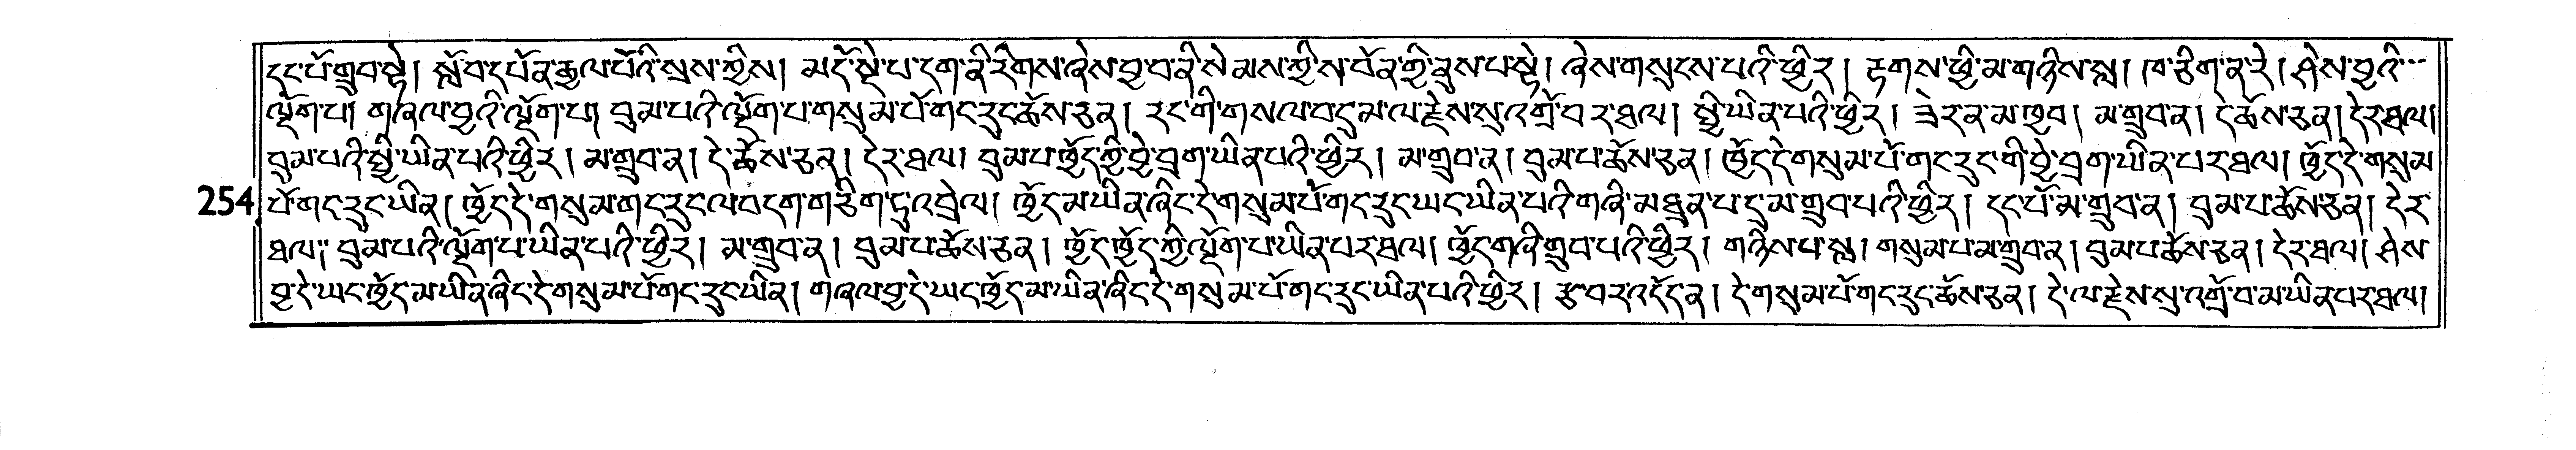དང་པོ་གྲུབ་སྟེ། སློབ་དཔོན་རྒྱལ་པོའི་སྲས་ཀྱིས། མདོ་སྡེ་པ་དག་ནི་རིགས་ཞེས་བྱ་བ་ནི་སེམས་ཀྱི་ས་བོན་གྱི་ནུས་པ་སྟེ། ཞེས་གསུངས་པའི་ཕྱིར། རྟགས་ཕྱི་མ་གཉིས་སླ། ཁ་ཅིག་ན་རེ། ཤེས་བྱའི་
ལྡོག་པ། གཞལ་བྱའི་ལྡོག་པ། བུམ་པའི་ལྡོག་པ་གསུམ་པོ་གང་རུང་ཆོས་ཅན། རང་གི་གསལ་བ་དུ་མ་ལ་རྗེས་སུ་འགྲོ་བར་ཐལ། སྤྱི་ཡིན་པའི་ཕྱིར། ཟེར་ན་མ་ཁྱབ། མ་གྲུབ་ན། དེ་ཆོས་ཅན། དེར་ཐལ།
བུམ་པའི་སྤྱི་ཡིན་པའི་ཕྱིར། མ་གྲུབ་ན། དེ་ཆོས་ཅན། དེར་ཐལ། བུམ་པ་ཁྱོད་ཀྱི་བྱེ་བྲག་ཡིན་པའི་ཕྱིར། མ་གྲུབ་ན། བུམ་པ་ཆོས་ཅན། ཁྱོད་དེ་གསུམ་པོ་གང་རུང་གི་བྱེ་བྲག་ཡིན་པར་ཐལ། ཁྱོད་དེ་གསུམ་
པོ་གང་རུང་ཡིན། ཁྱོད་དེ་གསུམ་གང་རུང་ལ་བདག་གཅིག་ཏུ་འབྲེལ། ཁྱོད་མ་ཡིན་ཞིང་དེ་གསུམ་པོ་གང་རུང་ཡང་ཡིན་པའི་གཞི་མཐུན་པ་དུ་མ་གྲུབ་པའི་ཕྱིར། དང་པོ་མ་གྲུབ་ན། བུམ་པ་ཆོས་ཅན། དེར་
ཐལ༑ བུམ་པའི་ལྡོག་པ་ཡིན་པའི་ཕྱིར། མ་གྲུབ་ན། བུམ་པ་ཆོས་ཅན། ཁྱོད་ཁྱོད་ཀྱི་ལྡོག་པ་ཡིན་པར་ཐལ། ཁྱོད་གཞི་གྲུབ་པའི་ཕྱིར། གཉིས་པ་སླ། གསུམ་པ་མ་གྲུབ་ན། བུམ་པ་ཆོས་ཅན། དེར་ཐལ། ཤེས་
བྱ་དེ་ཡང་ཁྱོད་མ་ཡིན་ཞིང་དེ་གསུམ་པོ་གང་རུང་ཡིན། །གཞལ་བྱ་དེ་ཡང་ཁྱོད་མ་ཡིན་ཞིང་དེ་གསུམ་པོ་གང་རུང་ཡིན་པའི་ཕྱིར། རྩ་བར་འདོད་ན། དེ་གསུམ་པོ་གང་རུང་ཆོས་ཅན། དེ་ལ་རྗེས་སུ་འགྲོ་བ་མ་ཡིན་པར་ཐལ།